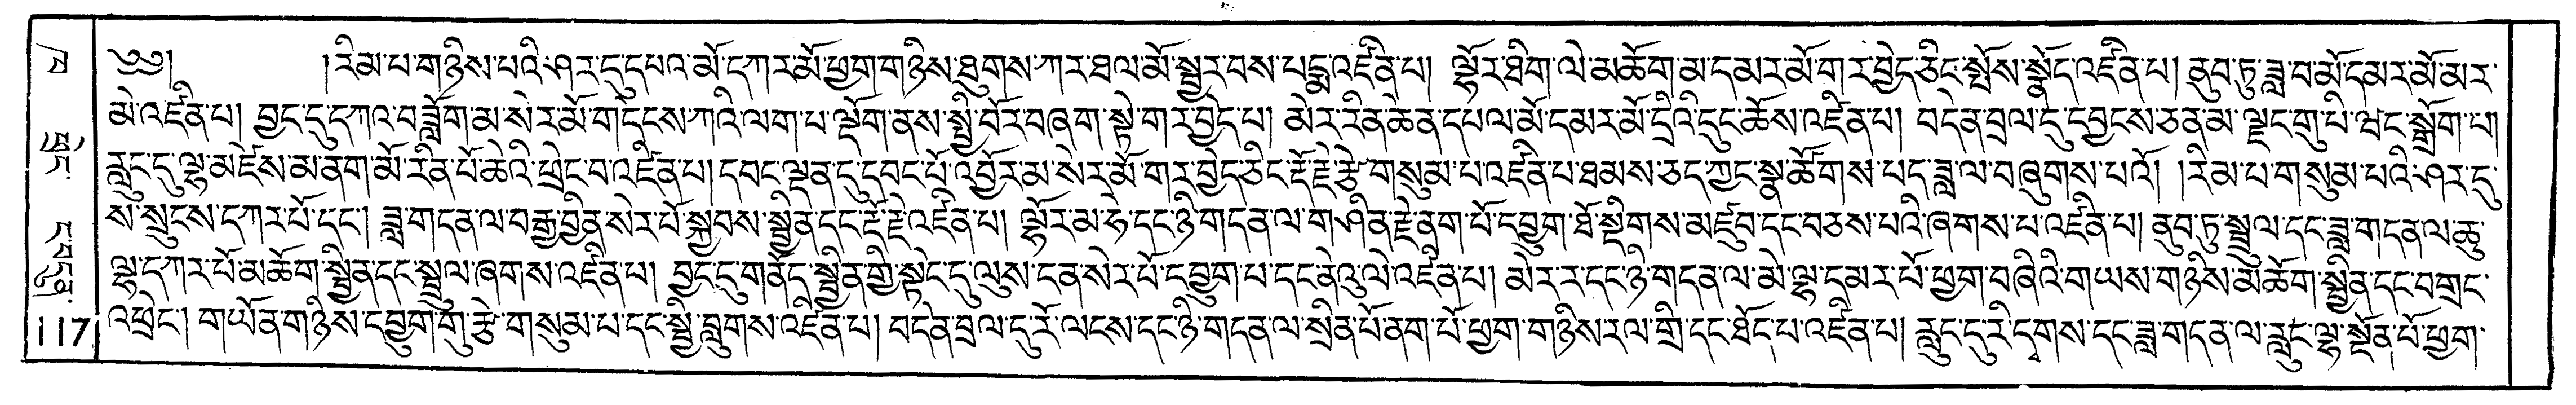༄༅། །རིམ་པ་གཉིས་པའི་ཤར་དུ་དཔའ་མོ་དཀར་མོ་ཕྱག་གཉིས་ཐུགས་ཀར་ཐལ་མོ་སྦྱར་བས་པདམ་འཛིན་པ། ལྷོར་ཐིག་ལེ་མཆོག་མ་དམར་མོ་གར་བྱེད་ཅིང་སྤོས་སྣོད་འཛིན་པ། ནུབ་ཏུ་ཟླ་བ་མོ་དམར་མོ་མར་
མེ་འཛིན་པ། བྱང་དུ་དཀའ་བཟློག་མ་སེར་མོ་གདེངས་ཀའི་ལག་པ་ལྡོག་ནས་སྤྱི་བོར་བཞག་སྟེ་གར་བྱེད་པ། མེར་རིན་ཆེན་དཔལ་མོ་དམར་མོ་དྲིའི་དུང་ཆོས་འཛིན་པ། བདེན་བྲལ་དུ་དབྱངས་ཅན་མ་ལྗང་གུ་པི་ཝང་སྒྲོག་པ།
རླུང་དུ་ལྷ་མཛེས་མ་ནག་མོ་རིན་པོ་ཆེའི་ཕྲེང་བ་འཛིན་པ། དབང་ལྡན་དུ་དབང་པོ་འབྱོར་མ་སེར་མོ་གར་བྱེད་ཅིང་རྡོ་རྗེ་རྩེ་གསུམ་པ་འཛིན་པ་ཐམས་ཅད་ཀྱང་སྣ་ཚོགས་པད་ཟླ་ལ་བཞུགས་པའོ། །རིམ་པ་གསུམ་པའི་ཤར་དུ་
ས་སྲུངས་དཀར་པོ་དང་། ཟླ་གདན་ལ་བརྒྱ་བྱིན་སེར་པོ་སྐྱབས་སྦྱིན་དང་རྡོ་རྗེ་འཛིན་པ། ལྷོར་མ་ཧེ་དང་ཉི་གདན་ལ་གཤིན་རྗེ་ནག་པོ་དབྱུག་ཐོ་སྡིགས་མཛུབ་དང་བཅས་པའི་ཞགས་པ་འཛིན་པ། ནུབ་ཏུ་སྦྲུལ་དང་ཟླ་གདན་ལ་ཆུ་
ལྷ་དཀར་པོ་མཆོག་སྦྱིན་དང་སྦྲུལ་ཞགས་འཛིན་པ། བྱང་དུ་གནོད་སྦྱིན་གྱི་སྟེང་དུ་ལུས་ངན་སེར་པོ་དབྱུག་པ་དང་ནེའུ་ལེ་འཛིན་པ། མེར་ར་དང་ཉི་གདན་ལ་མེ་ལྷ་དམར་པོ་ཕྱག་བཞིའི་གཡས་གཉིས་མཆོག་སྦྱིན་དང་བགྲང་
འཕྲེང་། གཡོན་གཉིས་དབྱུག་གུ་རྩེ་གསུམ་པ་དང་སྤྱི་བླུགས་འཛིན་པ། བདེན་བྲལ་དུ་རོ་ལངས་དང་ཉི་གདན་ལ་སྲིན་པོ་ནག་པོ་ཕྱག་གཉིས་རལ་གྲི་དང་ཐོད་པ་འཛིན་པ། རླུང་དུ་རི་དྭགས་དང་ཟླ་གདན་ལ་རླུང་ལྷ་སྔོན་པོ་ཕྱག་